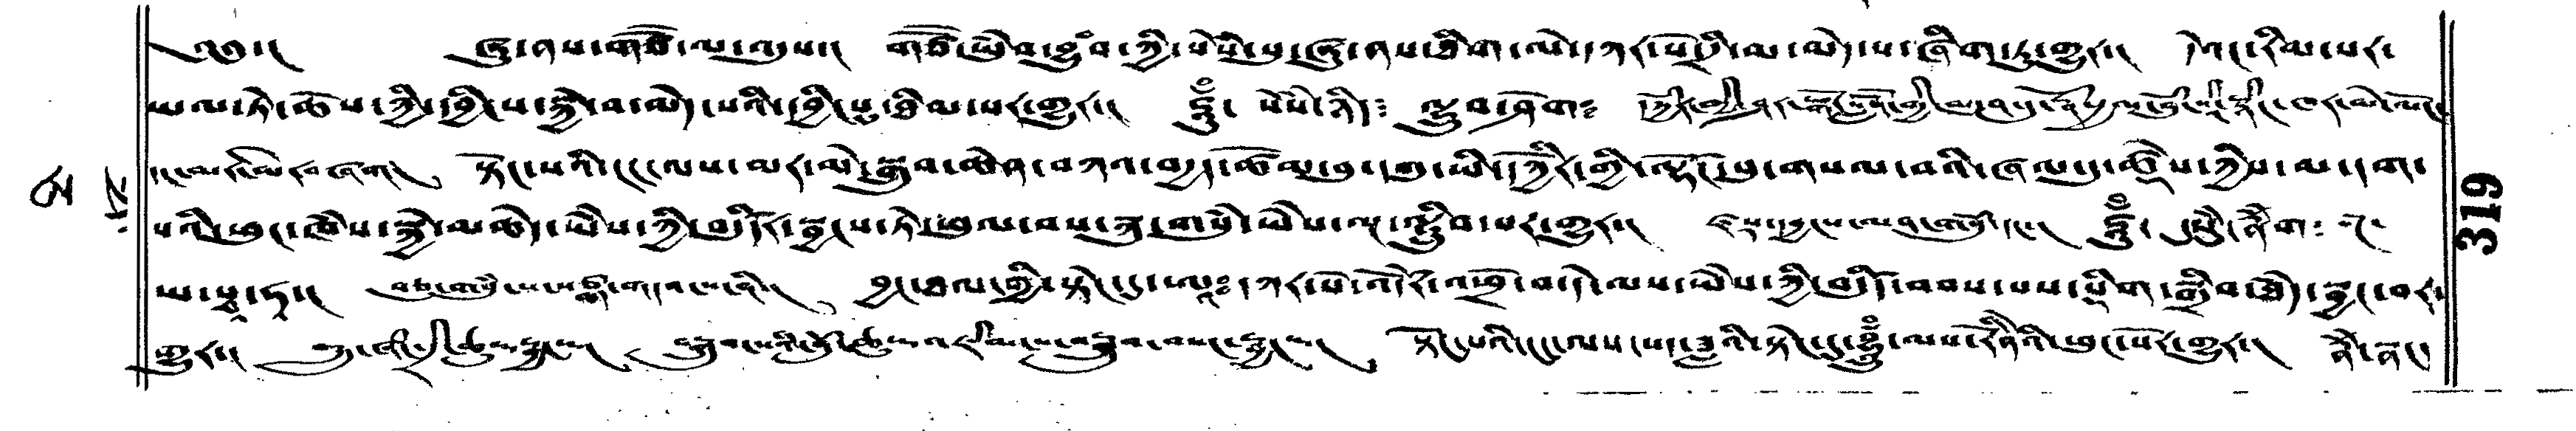ཞུ་ནས་གཙོ་བོ་ལ་འདུས། གཙོ་བོ་ཡབ་ཡུམ་བྱང་ཆུབ་ཀྱི་སེམས་སུ་ཞུ་ནས་ཐིག་ལེ་དཀར་པོ་དྲི་མ་མེད་པ་ཞིག་ཏུ་གྱུར། དེའང་རིམ་པར་
ཡལ་ཏེ་ཆོས་ཀྱི་དབྱིངས་སྐྱེ་བ་མེད་པའི་དབྱིངས་སུ་ཐིམ་པར་གྱུར། ཧཱུྃ༔ སེམས་ཉིད༴ ལྷུན་གྲུབ་ཤོག༔ དཀྱིལ་འཁོར་གྱི་ཤར་སྒོ་སློབ་དཔོན་གྱི་མདུན་དུ་རྣམ་རྒྱལ་བུམ་པའི་སྙིང་ཁར་མེ་ལོང་
དང་མར་མེ་གཞག སྟོང་པའི་ངང་ལས་མར་མེ་སྒྲུབ་ཆེན་བཀའ་བརྒྱད་ཚོམ་བུ་དགུ་ཡི་དཀྱིལ་འཁོར་གྱི་ལྷ་ཚོགས་སུ་གསལ་བའི་ཞལ་དུ་ཚེ་འདས་ཀྱི་མ་དག་
པའི་ཕུང་ཁམས་སྐྱེ་མཆེད་ཡེ་ཤེས་ཀྱི་བདུད་རྩིར་སྦྱངས་ཏེ་ཕུལ་བས་སྐུ་གསུམ་ཡེ་ཤེས་ལྔ་ལྷུན་གྱིས་གྲུབ་པར་གྱུར། ཛཔྲ་དབྱངས་ལན་གསུམ་དང་། ཧཱུྃ༔ དུས་གསུམ་རྣམ་དག༴ སོགས། 
ཡ་སྭ་ཧཱ༔ བཅུ་གསུམ་པ་སཙྪ་གདབ་པ་ནི། བྱང་ཐལ་གྱི་སྟེང་དུ་ཨཱཿདཀར་པོ་འོད་ཟེར་འཕྲོ་བ་དེ་ལས་ཡེ་ཤེས་ཀྱི་བདུད་རྩི་བབས་པས་སྡིག་སྒྲིབ་ཐམས་ཅད་སྦྱང་བར་
གྱུར། བཀྲུུ་ཞིང་དྲི་ཆུས་སྦྱང་། བསྒྲུབས་པའི་བུམ་ཆུས་འཇིམ་པ་བསྒྲུབ། བསང་སྦྱང་། སྟོང་པའི་ངང་ལས་པད་ཟླའི་སྟེང་དུ་བྷྲུྃ་ལས་རིན་པོ་ཆེའི་ཕུང་པོར་གྱུར། རྣམ་སྣང་